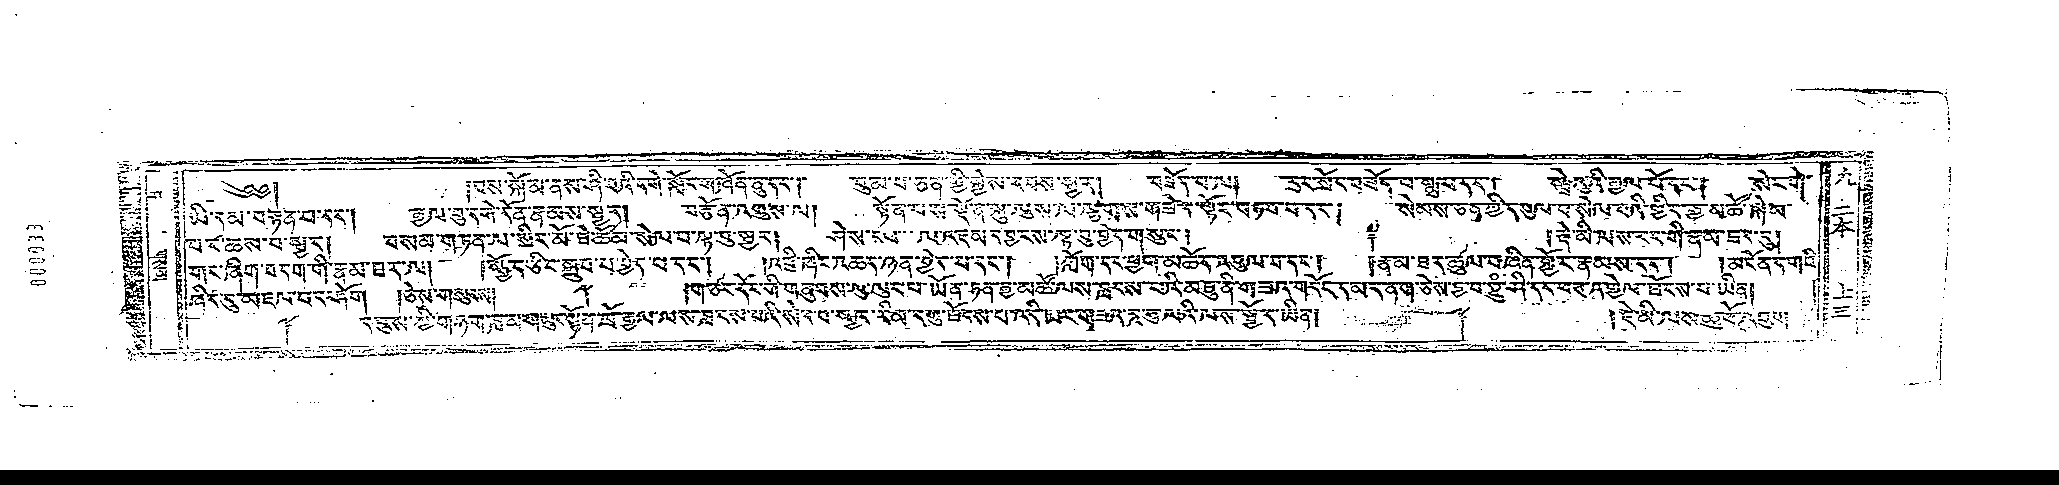༄༅། །བས་སྐོམ་ནས་ཤི་བའི་དགེ་སློང་གཞོན་ནུ་དང་། བུམ་པ་ཅན་གྱི་སྐྱེས་རབས་སྦྱར། བྠོད་པ་ལ། དྲང་སྲོང་བྠོད་པ་སྨྲ་བ་དང་། སྤྲེའུའི་རྒྱལ་པོ་དང་། སེང་གེ་
ཡི་དམ་བརྟན་པ་དང་། རྒྱལ་བུ་དགེ་དོན་རྣམས་སྦྱར། བརྩོན་འགྲུས་ལ། སྟོན་པས་སྔོན་སྐུ་ལུས་ལ་ལྕགས་གཟེར་སྟོང་བཏབ་པ་དང་། སེམས་ཅན་གྱི་དབུལ་བ་སེལ་བའི་ཕྱིར་རྒྱ་མཚོ་སྐེམ་
བར་ཆས་པ་སྦྱར། བསམ་གཏན་ལ་སྲིད་མོ་ཐེ་ཚོམ་སེལ་བ་ལྟ་བུ་སྦྱར། ཤེས་རབ་ལ་འཇམ་དབྱངས་ལྟ་བུ་བྱེད་གསུང་། ༈ ། །རྗེ་མི་ལས་རང་གི་རྣམ་ཐར་དུ།
གང་ཞིག་བདག་གི་རྣམ་ཐར་ལ། །སྤྱོད་ཅིང་སྒྲུབ་པ་བྱེད་པ་དང་། འབྲི་ཞིང་ཐ་ཆང་ཉན་བྱེད་པ་དང་། ཀློག་དང་ཕྱག་མཆོད་འབུལ་བ་དང་། རྣམ་ཐར་ཚུལ་བཞིན་སྐྱོང་རྣམས་དང་། །མངོན་དགའི་
ཞིང་དུ་མཇལ་བར་ཤོག །ཅེས་གསུངས། ༈ །གཙང་རོང་གི་གནུབས་ཁུ་ལུང་པ་ཡོན་ཏན་རྒྱ་མཚོ་ལས་བླངས་པའི་མཐུ་ནི་གཟའ་གདོང་དམར་ནག་ཅེས་བྱ་བ་ཧཱུཾ་ཤི་དང་ཕཊ་འགྱེལ་ཐོངས་པ་ཡིན། །
༈ དབུས་ཀྱི་གཉག་བཱ་མ་གཡུང་སྟོན་ཁྲོ་རྒྱལ་ལས་བླངས་བའི་སེར་བ་སྦྱང་རིམ་དགུ་ཐོངས་བ་འདི་ཡང་གཟའ་རཱ་ཧུ་ལའི་ལས་སྦྱོར་ཡིན། །རྗེ་མི་ལས་ཆུ་ཕོ་འབྲུག་